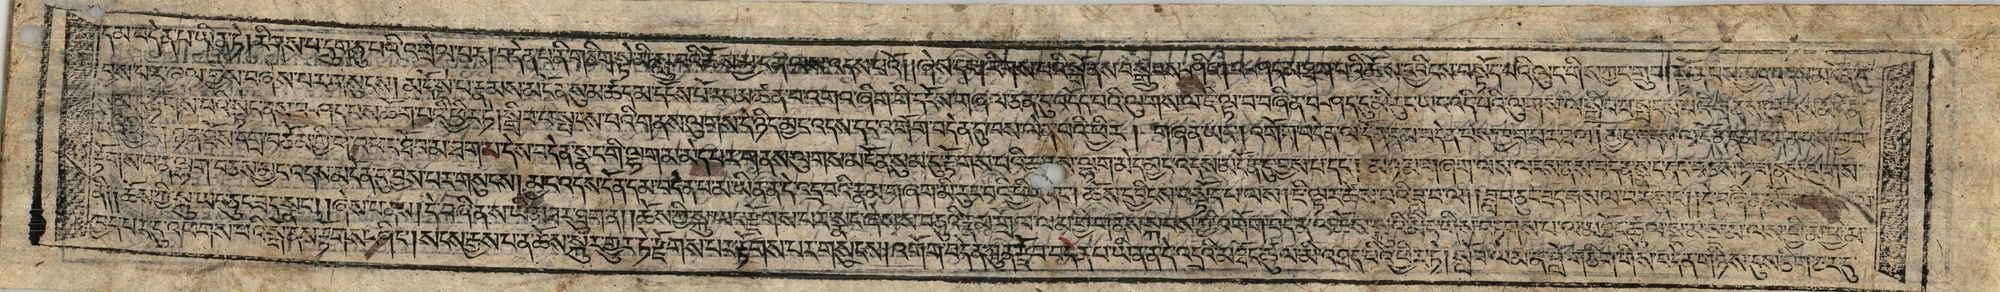དམ་བདེན་པ་ཡིན་ཏེ། རིགས་པ་དྲུག་ཅུ་པའི་འགྲེལ་པར། བདེན་པ་ནི་གཅིག་སྟེ་མི་སླུ་བའི་ཆོས་མྱ་ངན་ལས་འདས་པའོ། །ཞེས་དང་། རིགས་པའི་སྒོ་ནས་བསྒྲུབས་ཤིང་། བཤད་མ་ཐག་པའི་ཆོས་དབྱིངས་བསྟོད་པའི་ལུང་གིས་ཀྱང་གྲུབ། སྟོན་པས་མྱང་འདས་མངོན་དུ་
བྱས་པར་ཞལ་གྱིས་བཞེས་པར་གསུངས། མདོ་སྡེ་པ་རྣམས་མངོན་སུམ་ཚད་མ་དངོས་པོ་རང་མཚན་བ་འགའ་ཞིག་གི་དངོས་གཞལ་ཅན་དུ་འདོད་པའི་ལུགས་ལ་ཇི་ལྟ་བ་བཞིན་བཤད་དུ་མི་རུང་ཡང་འདི་བའི་ལུགས་ལ་སྒྲིབ་པ་སྤངས་པའི་གནས་ལུགས་མངོན་
སུམ་དུ་རྟོགས་པའི་སྟེང་ནས་བཤད་པས་ཆོག་པའི་ཕྱིར་ཏེ། སྒྲིབ་པ་སྤངས་པའི་གནས་ལུགས་དེ་ཉིད་མྱང་འདས་དང་འགོག་བདེན་དུ་ཁས་ལེན་པའི་ཕྱིར། གཞན་ཡང་། འགོག་བདེན་ལ་དོན་དམ་བདེན་པས་ཁྱབ་པར་ཐལ། མྱང་འདས་ལ་དོན་དམ་བདེན་པས་ཁྱབ་
པའི་ཕྱིར། ཉན་ཐོས་དགྲ་བཅོམ་གྱི་གོ་འཕང་ཐོབ་མ་ཐག་པ་དེས་བདེན་སྣང་གི་ལྷག་མ་མེད་པར་གནས་ལུགས་མངོན་སུམ་དུ་རྟོགས་པའི་ཆ་ནས་ལྷག་མེད་མྱང་འདས་མངོན་དུ་བྱས་པ་དང་། མཉམ་གཞག་ལས་ལངས་ནས་བདེན་སྣང་དང་བཅས་ཏེ་གནས་ལུགས་
རྟོགས་པ་ན་ལྷག་བཅས་མྱང་འདས་མངོན་དུ་བྱས་པར་གསུངས། མྱང་འདས་དོན་དམ་བདེན་པ་མ་ཡིན་ན་དེ་འདྲ་བའི་རྣམ་གཞག་མི་རུང་བའི་ཕྱིར་དང་། ཆོས་དབྱིངས་བསྟོད་པ་ལས། ཇི་ལྟར་ཚེས་པའི་ཟླ་བ་ལ། །ཟླ་བ་ཅུང་ཟད་གསལ་བར་སྣང་། །དེ་བཞིན་མོས་པའི་ས་ལ་
ནི༑ ༑ཆོས་ཀྱི་སྐུ་ཡང་ཅུང་ཟད་སྣང་། །ཞེས་པ་ནས། དེ་བཞིན་ས་ཡི་མཐར་ཐུག་ན། །ཆོས་ཀྱི་སྐུ་ཡང་རྫོགས་པར་སྣང་ཞེས་ས་བཅུའི་རྣམ་གྲོལ་ལམ་གྱི་གནས་སྐབས་ཀྱི་འགོག་བདེན་ལ་ཆོས་སྐུའི་མིང་གིས་བཏགས་པ་ལ་མཐོང་ཚུལ་སྔ་མ་སྔ་མ་ལས་ཕྱི་མ་ཕྱི་མ་
ཁྱད་པར་དུ་འཕགས་པའི་སྒོ་ནས་རྟོགས་ཤིང་། སངས་རྒྱས་པ་ན་ཆོས་སྐུར་གྱུར་ཏེ་རྫོགས་པར་རྟོགས་པར་གསུངས། འགོག་བདེན་ཀུན་རྫོབ་བདེན་པ་ཡིན་ན་དེ་འདྲའི་མཐོང་ཚུལ་མི་འཐད་པའི་ཕྱིར་ཏེ། སློབ་ལམ་ན་བློ་གཅིག་གིས་བདེན་གཉིས་དུས་ཅིག་ཅར་དུ་